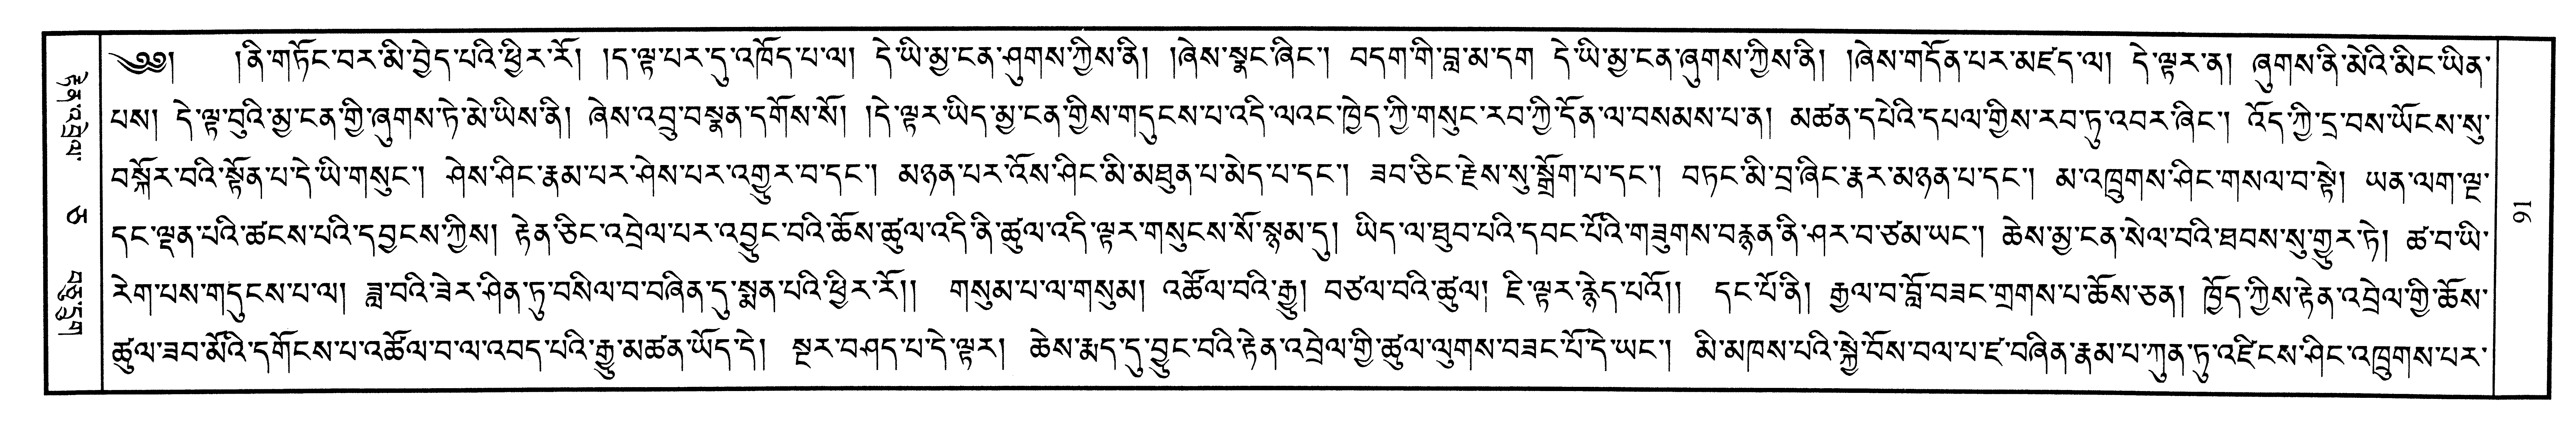༄༅། །ནི་གཏོང་བར་མི་བྱེད་པའི་ཕྱིར་རོ། །ད་ལྟ་པར་དུ་འཁོད་པ་ལ། དེ་ཡི་མྱ་ངན་ཤུགས་ཀྱིས་ནི། །ཞེས་སྣང་ཞིང་། བདག་གི་བླ་མ་དག །དེ་ཡི་མྱ་ངན་ཞུགས་ཀྱིས་ནི། །ཞེས་གདོན་པར་མཛད་ལ། དེ་ལྟར་ན། ཞུགས་ནི་མེའི་མིང་ཡིན་
པས། དེ་ལྟ་བུའི་མྱ་ངན་གྱི་ཞུགས་ཏེ་མེ་ཡིས་ནི། ཞེས་འབྲུ་བསྣན་དགོས་སོ། །དེ་ལྟར་ཡིད་མྱ་ངན་གྱིས་གདུངས་པ་འདི་ལའང་ཁྱེད་ཀྱི་གསུང་རབ་ཀྱི་དོན་ལ་བསམས་པ་ན། མཚན་དཔེའི་དཔལ་གྱིས་རབ་ཏུ་འབར་ཞིང་། འོད་ཀྱི་དྲ་བས་ཡོངས་སུ་
བསྐོར་བའི་སྟོན་པ་དེ་ཡི་གསུང་། ཤེས་ཤིང་རྣམ་པར་ཤེས་པར་འགྱུར་བ་དང་། མཉན་པར་འོས་ཤིང་མི་མཐུན་པ་མེད་པ་དང་། ཟབ་ཅིང་རྗེས་སུ་སྒྲོག་པ་དང་། བཏང་མི་བྲ་ཞིང་རྣར་མཉན་པ་དང་། མ་འཁྲུགས་ཤིང་གསལ་བ་སྟེ། ཡན་ལག་ལྔ་
དང་ལྡན་པའི་ཚངས་པའི་དབྱངས་ཀྱིས། རྟེན་ཅིང་འབྲེལ་པར་འབྱུང་བའི་ཆོས་ཚུལ་འདི་ནི་ཚུལ་འདི་ལྟར་གསུངས་སོ་སྙམ་དུ། ཡིད་ལ་ཐུབ་པའི་དབང་པོའི་གཟུགས་བརྙན་ནི་ཤར་བ་ཙམ་ཡང་། ཆེས་མྱ་ངན་སེལ་བའི་ཐབས་སུ་གྱུར་ཏེ། ཚ་བ་ཡི་
རེག་པས་གདུངས་པ་ལ། ཟླ་བའི་ཟེར་ཤིན་ཏུ་བསིལ་བ་བཞིན་དུ་སྨན་པའི་ཕྱིར་རོ།། གསུམ་པ་ལ་གསུམ། འཚོལ་བའི་རྒྱུ། བཙལ་བའི་ཚུལ། ཇི་ལྟར་རྙེད་པའོ།། དང་པོ་ནི། རྒྱལ་བ་བློ་བཟང་གྲགས་པ་ཆོས་ཅན། ཁྱོད་ཀྱིས་རྟེན་འབྲེལ་གྱི་ཆོས་
ཚུལ་ཟབ་མོའི་དགོངས་པ་འཚོལ་བ་ལ་འབད་པའི་རྒྱུ་མཚན་ཡོད་དེ། སྔར་བཤད་པ་དེ་ལྟར། མེས་རྨད་དུ་བྱུང་བའི་རྟེན་འབྲེལ་གྱི་ཚུལ་ལུགས་བཟང་པོ་དེ་ཡང་། མི་མཁས་པའི་སྐྱེ་བོས་བལ་པ་ཛ་བཞིན་རྣམ་པ་ཀུན་ཏུ་འཛིངས་ཤིང་འཁྲུགས་པར་